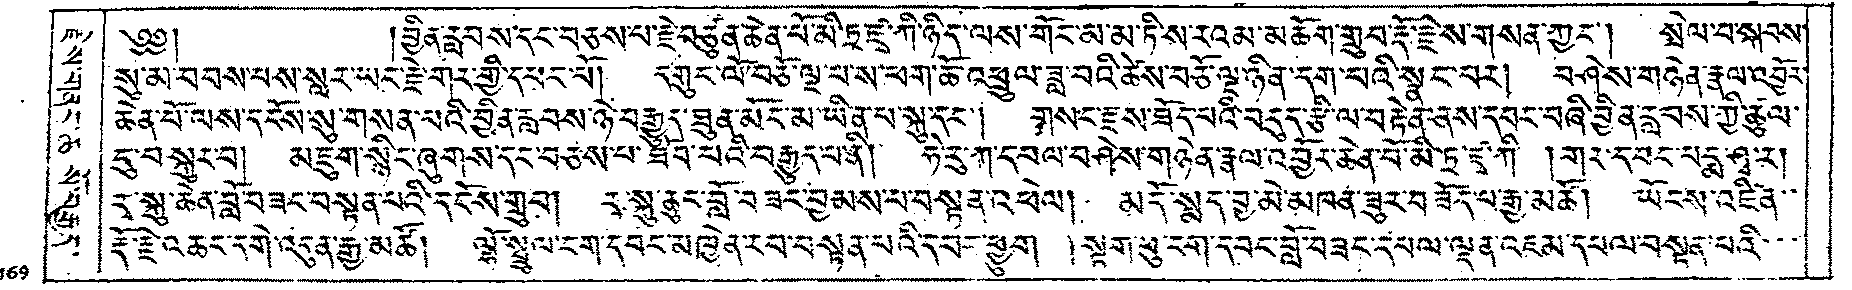༄༅། །བྱིན་རླབས་དང་བཅས་པ་རྗེ་བཙུན་ཆེན་པོ་མི་ཏྲ་ཛྭ་ཀི་ཉིད་ལས་གོང་མ་མ་ཏིས་རའམ་མཆོག་གྲུབ་རྡོ་རྗེས་གསན་ཀྱང་། སྤེལ་བ་སྐབས་
སུ་མ་བབས་པས་སླར་ཡང་རྗེ་གར་གྱི་དབང་པོ། དགུང་ལོ་ལྔ་པ་ས་ཕག་ཆོ་འཕྲུལ་ཟླ་བའི་ཚེས་བཅོ་ལྔ་ཉིན་དག་པའི་སྣང་བར། བཤེས་གཉེན་རྣལ་འབྱོར་
ཆེན་པོ་ལས་དངོས་སུ་གསན་པའི་བྱིན་རླབས་ཉེ་བརྒྱུད་ཐུན་མོང་མ་ཡིན་པ་སྐུ་དང་། གསང་རྫས་ཐོད་པའི་བདུད་རྩི་ལ་བརྟེན་ནས་དབང་བཞི་བྱིན་རླབས་ཀྱི་ཚུལ་
དུ་བསྐུར་བ། མཇུག་སྙིང་ཞུགས་དང་བཅས་པ་ཐོབ་པའི་བརྒྱུད་པ་ནི། ཧེ་རུ་ཀ་དཔལ་བཤེས་གཉེན་རྣལ་འབྱོར་ཆེན་པོ་མི་ཏྲ་ཛྭ་ཀི། གར་དབང་པདམ་ཤྭ་ར།
རྭ་སྐུ་ཆེན་བློ་བཟང་བསྟན་པའི་དངོས་གྲུབ། རྭ་སྐུ་ཆུང་བློ་བཟང་བྱམས་པ་བསྟན་འཕེལ། མདོ་སྨད་བྱ་མེ་མཁན་ཟུར་བཟོད་པ་རྒྱ་མཚོ། ཡོངས་འཛིན་
རྡོ་རྗེ་འཆང་དགེ་འདུན་རྒྱ་མཚོ། ལྷོ་སྤྲུལ་ངག་དབང་མཁྱེན་རབ་བསྟན་པའི་དབང་ཕྱུག །སྟག་ཕུ་ངག་དབང་བློ་བཟང་དཔལ་ལྡན་འཇམ་དཔལ་བསྟན་པའི་